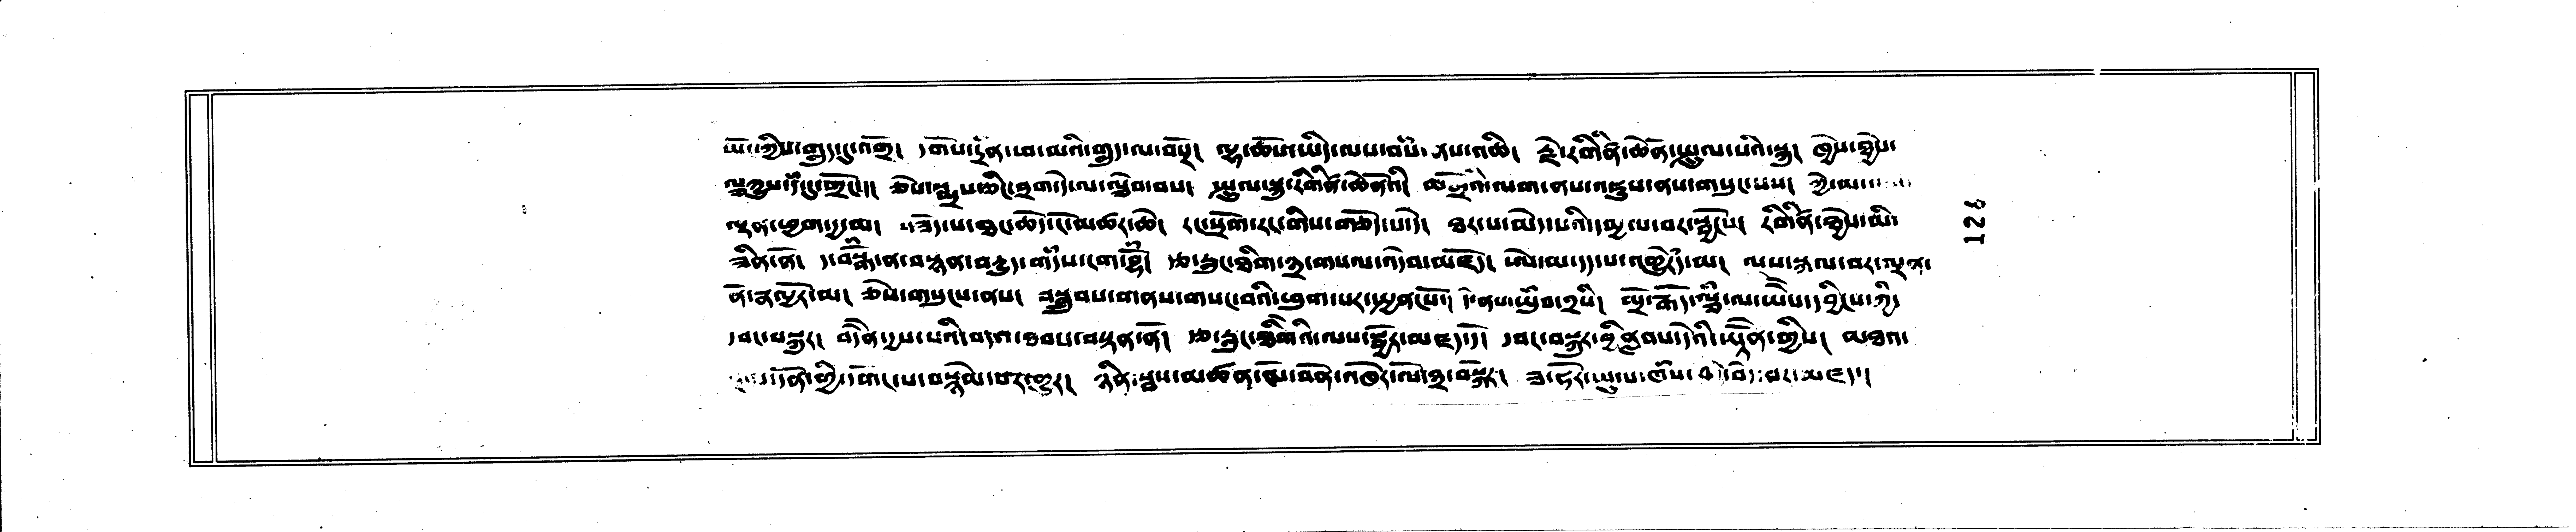ཡོངས་ཀྱི་གླུད་དུ་འགྲོ། སྒོས་དྲིན་ཆེན་ཕ་མའི་གླུད་ལ་བསྔོ། ལྷ་ཆོས་ཡིད་ལ་བསམ་ནས་འཆི། རྗེ་རིག་འཛིན་ཆེན་པོ་སྤྲུལ་པའི་སྐུ། ཁྱོད་ཐུགས་
རྗེའི་ལྕཀྱུའི་དམ་དུ་དྲོངས། ཅེས་སྨྲས་ཤིང་བྲག་དེ་ལ་ལྕེབས་པས། སྤྲུལ་སྐུ་རིག་འཛིན་ཆེན་པོ་ཡི། མཁའ་འགྲོའི་ལག་ནས་འཇུས་ནས་གསུངས་པ། ཀྱེ་མ་ལས་
ལྡན་ཕྱག་རྒྱ་མ། བཟོད་པ་ཐང་ཆོད་ངོ་མཚར་ཆེ། རང་སྲོག་རང་གིས་གཅོད་པ་དེ། ཐར་པ་མེད་པའི་དམྱལ་བར་སྦྱོངས། རིག་འཛིན་ཐུགས་རྗེ་མི་
ཟིན་ནོ། ད་བསྒོམ་ན་སྙན་རྒྱུད་གདམས་ངག་བསྒོམ། རྩ་རླུང་ཐིག་གསུམ་གསལ་འདེབས་མཛོད། ཨེ་མ་དད་པ་འགྱུར་མེད་མ། ལས་སྐལ་པར་ལྡན་
ནོ་རྣལ་འབྱོར་མ། ཅེས་གསུངས་ནས། སྒྲུབ་གནས་གསང་བའི་ཕུག་པར་སྤྱན་དྲངས་སོ། །དེ་ནས་ཡབ་ཡུམ་གཉིས་ཀྱིས། མཁའ་འགྲོ་རྒོད་ལྕམ་མ་ཡེ་ཤེས་དབྱིངས་ཀྱི་
དབང་བསྐུར། བདེ་ཆེན་དགྱེས་པའི་བརྡ་ཐབས་བསྟན་ནོ། །རྩ་རླུང་ཐིག་ལེའི་ལས་སྦྱོར་མཛད་དོ། །དབང་བསྐུར་བྱིན་རླབས་དེའི་ཡོན་ཏན་གྱིས། མཐའ་
སངས་རྒྱས་དོན་གྱི་དགོངས་པ་བསྙེམས་པར་གྱུར། ཉིན་སྦས་མཚན་མོ་བོན་འཁོར་ལོ་གསུམ་བསྐོར། ཟ་ཧོར་ཡུལ་ཁམས་ཐམས་ཅད་བདེ་བར་མཛད།